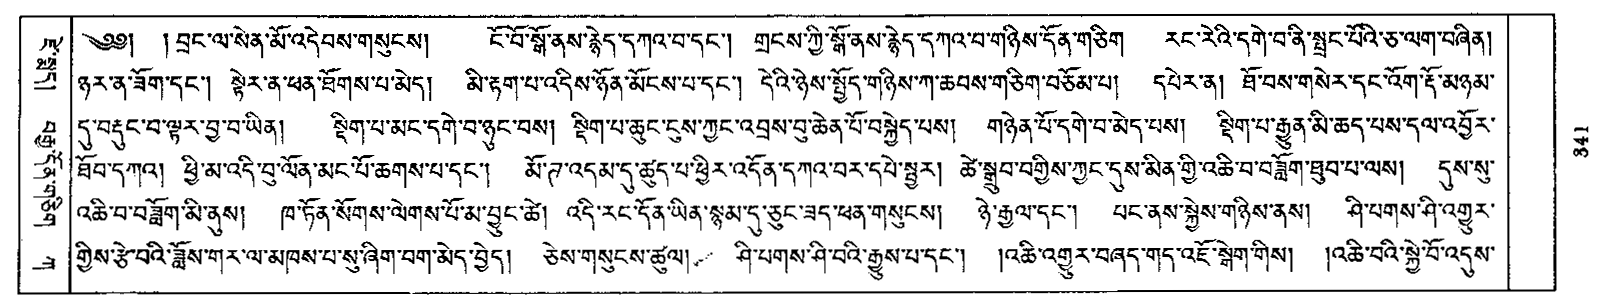༄༅། །བྲང་ལ་སེན་མོ་འདེབས་གསུངས། ངོ་བོ་སྒོ་ནས་རྙེད་དཀའ་བ་དང་། གྲངས་ཀྱི་སྒོ་ནས་རྙེད་དཀའ་བ་གཉིས་དོན་གཅིག་རང་རེའི་དགེ་བ་ནི་སྤྲང་པོའི་ཅ་ལག་བཞིན།
ཉར་ན་ཟོག་དང་། སྟེར་ན་ཕན་ཐོགས་པ་མེད། མི་རྟག་པ་འདིས་ཉོན་མོངས་པ་དང་། དེའི་ཉེས་སྤྱོད་གཉིས་ཀ་ཆབས་གཅིག་བཅོམ་པ། དཔེར་ན། ཐོ་བས་གསེར་དང་འོག་རྡོ་མཉམ་
དུ་བརྡུང་བ་ལྟར་བྱ་བ་ཡིན། སྡིག་པ་མང་དགེ་བ་ཉུང་བས། སྡིག་པ་ཆུང་ངུས་ཀྱང་འབྲས་བུ་ཆེན་པོ་བསྐྱེད་པས། གཉེན་པོ་དགེ་བ་མེད་པས། སྡིག་པ་རྒྱུན་མི་ཆད་པས་དལ་འབྱོར་
ཐོབ་དཀའ། ཕྱི་མ་འདི་བུ་ལོན་མང་པོ་ཆགས་པ་དང་། མོ་ཊ་འདམ་དུ་ཚུད་པ་ཕྱིར་འདོན་དཀའ་བར་དཔེ་སྦྱར། ཚེ་སྒྲུབ་བགྱིས་ཀྱང་དུས་མིན་གྱི་འཆི་བ་བཟློག་ཐུབ་པ་ལས། དུས་སུ་
འཆི་བ་བཟློག་མི་ནུས། ཁ་ཏོན་སོགས་ལེགས་པོ་མ་བྱུང་ཚེ། འདི་རང་དོན་ཡིན་སྙམ་དུ་ཅུང་ཟད་ཕན་གསུངས། ཉེ་རྒྱལ་དང་། པང་ནས་སྐྱེས་གཉིས་ནས། ཤི་པགས་ཤི་འགྱུར་
གྱིས་རྩེ་བའི་ཟློས་གར་ལ་མཁས་པ་སུ་ཞིག་བག་མེད་བྱེད། ཅེས་གསུངས་ཚུལ། ཤི་པགས་ཤི་བའི་རྒྱུས་པ་དང་། །འཆི་འགྱུར་བཞད་གད་འཇོ་སྒེག་གིས། །འཆི་བའི་སྐྱེ་བོ་འདུས་